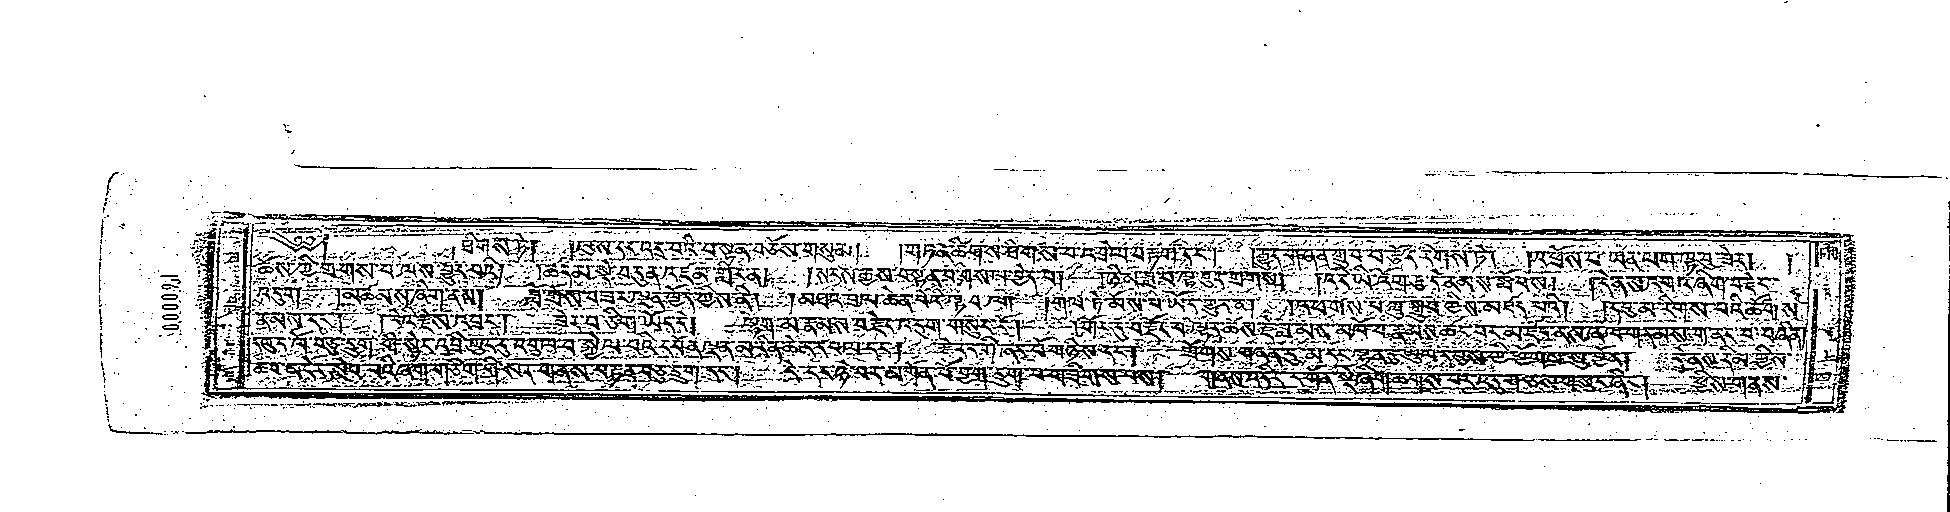༄༅། །ཐིགས་ཏེ། །ལུས་དང་འདྲ་བའི་བསྟན་བཅོས་གསུམ། །གཏན་ཚིགས་ཐིགས་བ་འབྲེལ་བརྟག་དང་། །རྒྱུད་གཞན་གྲུབ་པ་རྩོད་རིགས་ཏེ། །འཕྲོས་པ་ཡན་ལག་ལྟ་བུ་ཟེར། །
ཆོས་ཀྱི་གྲགས་པ་ལས་བྱུང་བའི། །ཚད་མ་སྡེ་བདུན་འཛམ་གླིང་ན། །སངས་རྒྱས་བསྟན་པ་གསལ་བྱེད་པ། །ཉི་མ་ཟླ་བ་ལྟ་བུར་གྲགས། །འདི་ཡི་འོག་ཏུ་དེ་རྣམས་སློབས། །དེ་ནས་འགའ་ཞིག་བརྗེད་
འདུག །མཚམས་ཞིག་ནས། བློ་གྲོས་བཟང་ལྡན་ཁྱོད་ཀྱིས་ནི། །མཐའ་བྲལ་ཆེན་པོའི་ལྟ་བ་ལ། །གལ་ཏེ་མོས་པ་ཡོད་གྱུར་ན། །འཕགས་པ་ཀླུ་སྒྲུབ་ཀྱིས་མཛད་པའི། །དབུ་མ་རིགས་པའི་ཚོགས་
རྣམས་དང་། །དེའི་རྗེས་འབྲང་། ཟེར་བ་ཅིག་ཡོང་དེ། ལྷག་མ་རྣམས་བརྗེད་འདུག་གསུང་ངོ། །གོང་དུ་བརྗོད་པ་ལྟར་ཚེས་རྗེ་བླ་མས་མཁོ་བ་རྣམས་ཆང་བར་མཛད་ནས་ཞལ་གདམས་གནང་བ་བཞིན་
དགུང་ལོ་བཅུ་དྲུག་གི་སྟེང་འབྲི་ལུང་དུ་འབུལ་བ་སྐྱེལ་བའི་དཔོན་ལྡན་མ་རིན་ཆེན་དཔལ་དང་། རྗེ་རང་གི་ཞང་པོ་གཉིས་དང་། གྲོགས་གཞན་དུ་མ་དང་ལྷན་དུ་ཡུལ་དབུས་ཀྱི་ཕྱོགས་སུ་བྱོན། དེ་ནས་རིམ་གྱིས་
ཆབ་མདོར་སླེབ་བའི་ཞག་གཅིག་གི་སར་གནས་བརྟན་བཅུ་དྲུག་དང་། དེ་དང་ཉེ་བར་མགོན་པོ་ཕྱག་དྲུག་པ་གཟིགས་པས། གནས་འདིར་དགོན་སྡེ་ཞག་ཆགས་པར་འདུག་ཅེས་གསུང་ཞིང་། ཕྱིས་གནས་